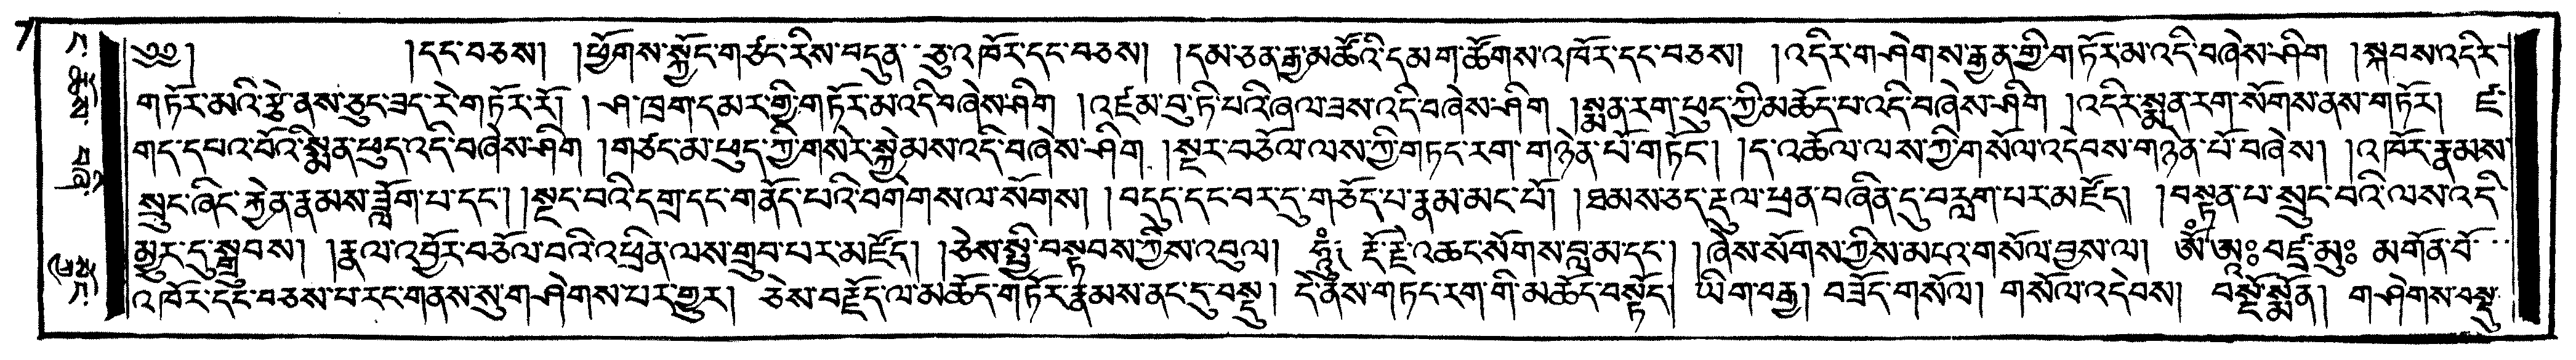༄༅། །དང་བཅས། །ཕྱོགས་སྐྱོང་གཙང་རིས་བདུན་ཅུ་འཁོར་དང་བཅས། དམ་ཅན་རྒྱ་མཚོའི་དམག་ཚོགས་འཁོར་དང་བཅས། །འདིར་གཤེགས་རྒྱན་གྱི་གཏོར་མ་འདི་བཞེས་ཤིག །སྐབས་འདིར་
གཏོར་མའི་རྩེ་ནས་ཅུང་ཟད་རེ་གཏོར་རོ། །ཤ་ཁྲག་དམར་གྱི་གཏོར་མ་འདི་བཞེས་ཤིག །འཛམ་བུ་ཏི་པའི་ཞལ་ཟས་འདི་བཞེས་ཤིག །སྨན་རག་ཕུད་ཀྱི་མཆོད་པ་འདི་བཞེས་ཤིག །འདིར་སྨན་རག་སོགས་ནས་གཏོར། ཛ་
གད་དཔའ་བོའི་སྨན་ཕུད་འདི་བཞེས་ཤིག །གཙང་མ་ཕུད་ཀྱི་གསེར་སྐྱེམས་འདི་བཞེས་ཤིག །སྔར་བཅོལ་ལས་ཀྱི་གཏང་རག་གཉེན་པོ་གཏོང་། །ད་འཆོལ་ལས་ཀྱི་གསོལ་འདེབས་གཉེན་པོ་བཞེས། །འཁོར་རྣམས་
སྲུང་ཞིང་རྐྱེན་རྣམས་ཟློག་པ་དང་། སྔང་བའི་དགྲ་དང་གནོད་པའི་བགེགས་ལ་སོགས། །བདུད་དང་བར་དུ་གཅོད་པ་རྣམ་མང་པོ། །ཐམས་ཅད་རྡུལ་ཕྲན་བཞིན་དུ་བརླག་པར་མཛོད། །བསྟན་པ་སྲུང་བའི་ལས་འདི་
མྱུར་དུ་སྒྲུབས། །རྣལ་འབྱོར་བཅོལ་བའི་འཕྲིན་ལས་གྲུབ་པར་མཛོད། །ཅེས་སྤྱི་བསྟབས་ཀྱིས་འབུལ། ཧཱུཾ༑ རྡོ་རྗེ་འཆང་སོགས་བླ་མ་དང་། །ཞེས་སོགས་ཀྱིས་མངའ་གསོལ་བྱས་ལ། ཨོཾ་ཨཱཿ མཛྲ་མུཿ མགོན་པོ་
འཁོར་དང་བཅས་པ་རང་གནས་སུ་གཤེགས་པར་གྱུར། ཅེས་བརྗོད་ལ་མཆོད་གཏོར་རྣམས་ནང་དུ་བསྡུ། དེ་ནས་གཏང་རག་གི་མཆོད་བསྟོད། ཡིག་བརྒྱ། བཟོད་གསོལ། གསོལ་འདེབས། བསྔོ་སྨོན། གཤེགས་བསྡུ་